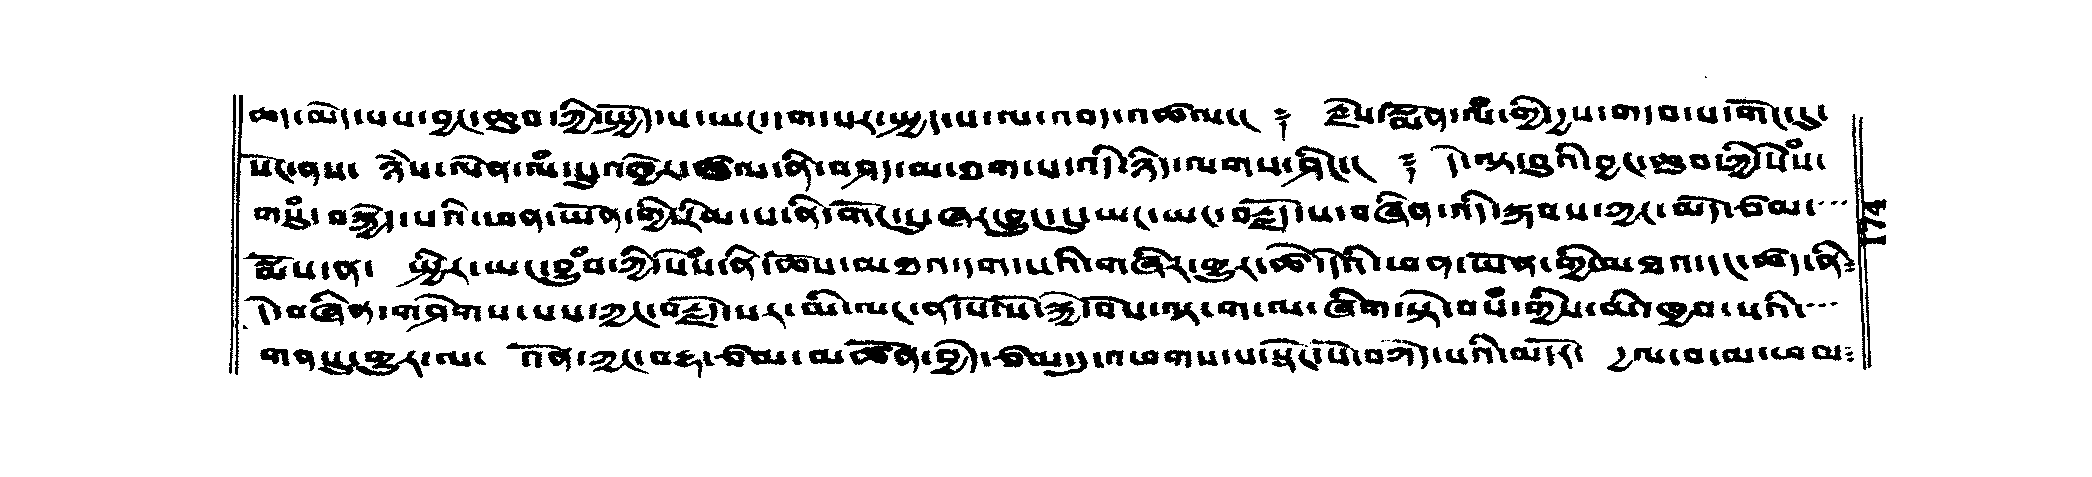ཆད་མེད་པས་བྱང་ཆུབ་ཀྱི་སྤྱོད་པ་ཡང་དག་པར་སྤྱད་པ་ལ་འབད་འཚལ། ༈ རྗེས་སྨོན་ལམ་གྱི་རྒྱས་གདབ་པ་གོང་དུ་
སོང་ནས། ཉམས་ལེན་ལམ་དུ་འཁྱེར་ཚུལ་ནི་བཤད་མ་ཐག་པ་འདི་ཉིད་ལགས་ཤིང་། ༈ དེ་ལྟ་བུའི་བྱང་ཆུབ་ཀྱི་སེམས་
གསུམ་བསྐྱེད་པའི་ཕན་ཡོན་གྱི་རིམ་པ་ནི་གོང་དུ་ཞར་བྱུང་དུ་ཡང་ཡང་བརྗོད་པ་བཞིན་འདི་སྐབས་ཀྱང་མདོ་ཙམ་
སྨོས་ན། ཆོས་མཐའ་དག་པའི་གཞིར་གྱུར་ཚེ་དེའི་ཕན་ཡོན་གྱི་མཐའ་དང་ཚད་ནི་
དེ་བཞིན་གཤེགས་པས་ཀྱང་བརྗོད་པར་མི་ལང་ན་སོ་སོ་སྐྱེ་བོས་ལྟ་ག་ལ་ཞིག་སྟེ་བསམ་གྱིས་མི་ཁྱབ་པའི་
གནས་སུ་གྱུར་ལ།འོན་ཀྱང་བརྡ་ཙམ་མཚོན་བྱེད་ཙམ་དུ་འཕགས་པ་སྡོང་པོ་བཀོད་པའི་མདོར། རྒྱལ་བ་མ་ཕམ་